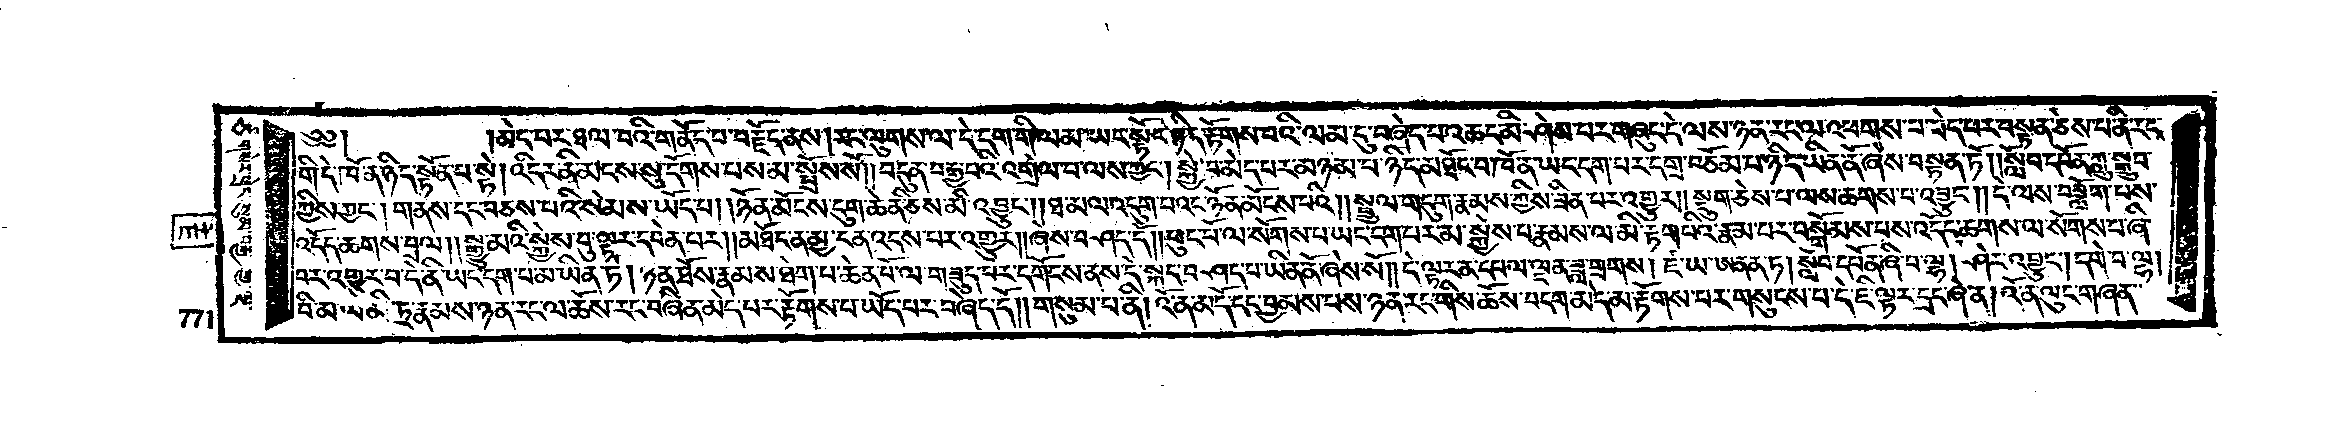༄༅། །མེད་པར་ཐལ་བའི་གནོད་པ་བརྗོད་ནས། རང་ལུགས་ལ་དེ་དག་གི་ལམ་ཡང་སྟོང་ཉིད་རྟོགས་པའི་ལམ་དུ་བཞེད་པ་འཆང་མི་ཤེས་པར་གཞུང་དེ་ལས་ཉན་རང་ལ་འཕགས་པ་མེད་པར་བསྟན་ཅེས་པ་ནི་རང་
གི་དེ་ཁོ་ན་ཉིད་སྟོན་པ་སྟེ། འདིར་ནི་མངས་སུ་དོགས་པས་མ་སྤྲོས་སོ། །བདུན་བརྒྱ་པའི་འགྲེལ་པ་ལས་ཀྱང་། སྐྱེ་བ་མེད་པར་མཉམ་པ་ཉིད་མཐོང་བ་ཁོ་ན་ཡང་དག་པར་དགྲ་བཅོམ་པ་ཉིད་ཡིན་ནོ་ཞེས་བསྟན་ཏོ། །སློབ་དཔོན་ཀླུ་སྒྲུབ་
ཀྱིས་ཀྱང་། གནས་དང་བཅས་པའི་སེམས་ཡོད་པ། །ཉོན་མོངས་དུག་ཆེན་ཅིས་མི་འབྱུང་། །ཐ་མལ་འདུག་པའང་ཉོན་མོངས་པའི། །སྤྲུལ་གདུག་རྣམས་ཀྱིས་ཟིན་པར་འགྱུར། །སྡུག་ཅེས་པ་ལས་ཆགས་པ་འབྱུང་། །དེ་ལས་བཟློག་པས་
འདོད་ཆགས་བྲལ། །སྒྱུ་མའི་སྐྱེས་བུ་ལྟར་དབེན་པར། །མཐོང་ན་མྱ་ངན་འདས་པར་འགྱུར། །ཞེས་བཤད་དོ། །ཕུང་པོ་ལ་སོགས་པ་ཡང་དག་པར་མ་སྐྱེས་པ་རྣམས་ལ་མི་རྟག་པའི་རྣམ་པར་བསྒོམས་པས་འདོད་ཆགས་ལ་སོགས་པ་ཞི་
བར་འགྱུར་བ་དེ་ནི་ཡང་དག་པ་མ་ཡིན་ཏེ། ཉན་ཐོས་རྣམས་ཐེག་པ་ཆེན་པོ་ལ་གཟུད་པར་དགོངས་ནས་དེ་སྐད་བཤད་པ་ཡིན་ནོ་ཞེས་སོ། །དེ་ལྟར་ན་དཔལ་ལྡན་ཟླ་གྲགས། ཛ་ཡ་ཨ་ནན་ཏ། སློབ་དཔོན་ཞི་བ་ལྷ། ཤེར་འབྱུང་། དགེ་བ་ལྷ།
བི་མ་ལ་མི་ཏྲ་རྣམས་ཉན་རང་ལ་ཆོས་རང་བཞིན་མེད་པར་རྟོགས་པ་ཡོད་པར་བཞེད་དོ། །གསུམ་པ་ནི། འོ་ན་མདོ་དང་བྱམས་པས་ཉན་རང་གིས་ཆོས་བདག་མེད་མ་རྟོགས་པར་གསུངས་པ་དེ་ཇི་ལྟར་དྲང་ཞེ་ན། འོ་ན་ལུང་གཞན་